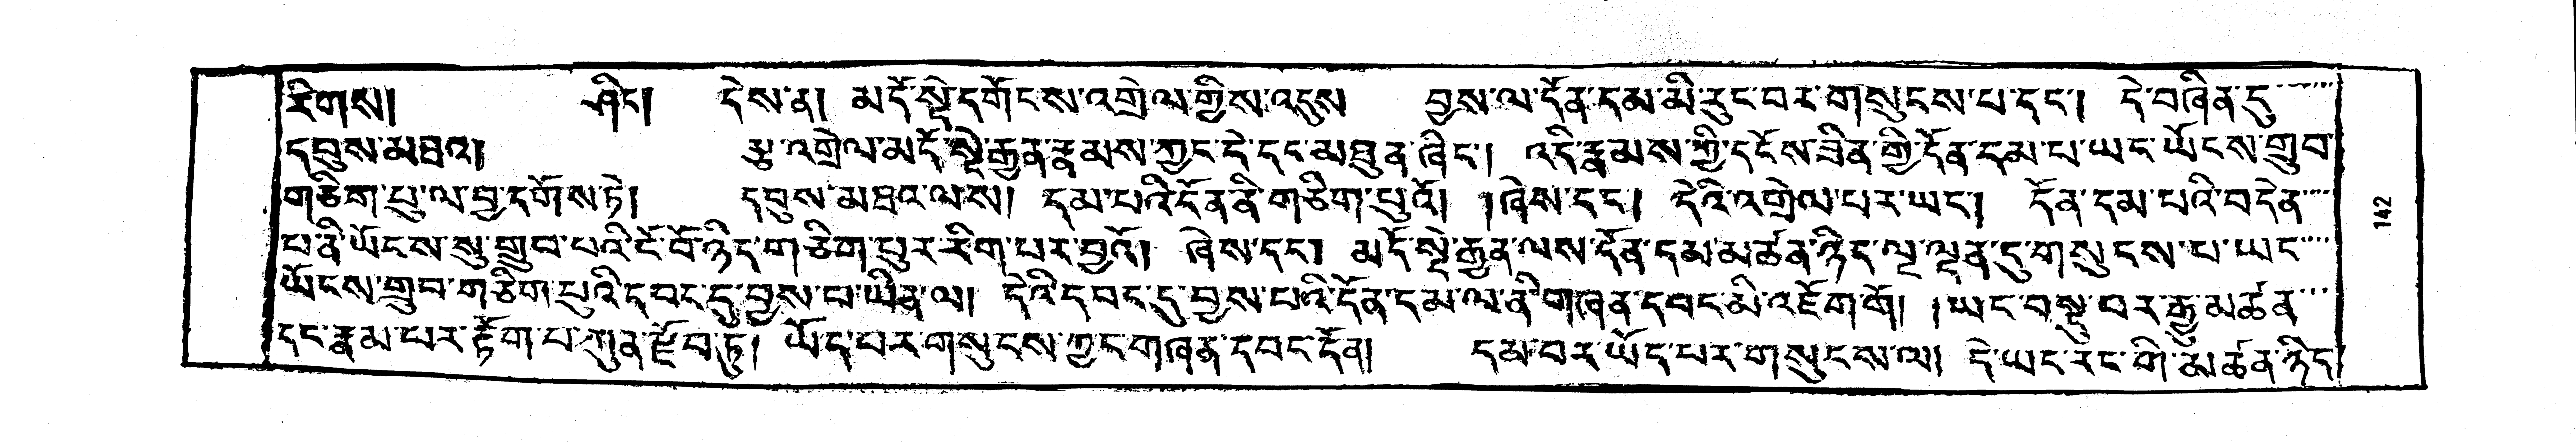རིགས། ཤིང་། དེས་ན། མདོ་སྡེ་དགོངས་འགྲེལ་གྱིས་འདུས་བྱས་ལ་དོན་དམ་མི་རུང་བར་གསུངས་པ་དང་། དེ་བཞིན་དུ་
དབུས་མཐའ། རྩ་འགྲེལ་མདོ་སྡེ་རྒྱན་རྣམས་ཀྱང་དེ་དང་མཐུན་ཞིང་། འདི་རྣམས་ཀྱི་དངོས་ཟིན་གྱི་དོན་དམ་པ་ཡང་ཡོངས་གྲུབ་
གཅིག་པུ་ལ་བྱ་དགོས་ཏེ། དབུས་མཐའ་ལས། དམ་པའི་དོན་ནི་གཅིག་པུའོ། །ཞེས་དང་། དེའི་འགྲེལ་པར་ཡང་། དོན་དམ་པའི་བདེན་
པ་ནི་ཡོངས་སུ་གྲུབ་པའི་ངོ་བོ་ཉིད་གཅིག་པུར་རིག་པར་བྱའོ། ཞེས་དང་། མདོ་སྡེ་རྒྱན་ལས་དོན་དམ་མཚན་ཉིད་ལྔ་ལྡན་དུ་གསུངས་པ་ཡང་
ཡོངས་གྲུབ་གཅིག་པུའི་དབང་དུ་བྱས་པ་ཡིན་ལ། དེའི་དབང་དུ་བྱས་པའི་དོན་དམ་ལ་ནི་གཞན་དབང་མི་འཇོག་གོ། །ཡང་བསྡུ་བར་རྒྱུ་མཚན་
དང་རྣམ་པར་རྟོག་པ་ཀུན་རྫོབ་ཏུ། ཡོད་པར་གསུངས་ཀྱང་གཞན་དབང་དོན། དམ་པར་ཡོད་པར་གསུངས་ལ། དེ་ཡང་རང་གི་མཚན་ཉིད་